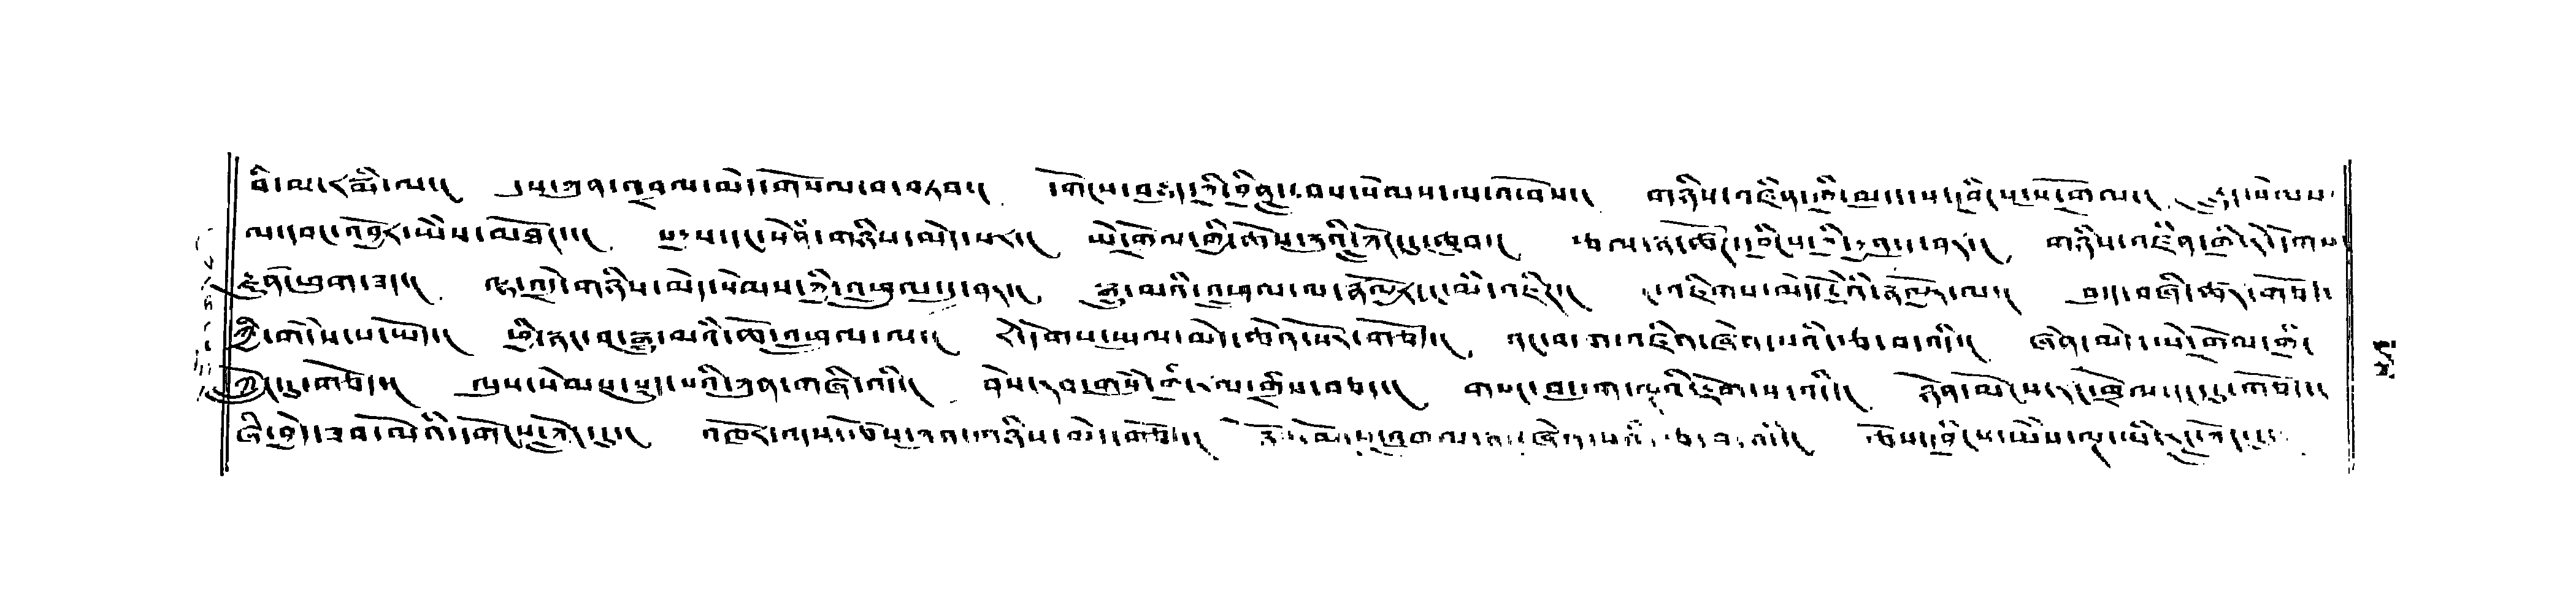བི་མ་རསྨི་ལ། །དུས་ཀུན་འབྲལ་མེད་གསོལ་བ་བཏབ། །དགོངས་བརྒྱུད་ཀྱི་བྱིན་རླབས་སེམས་ལ་འཕོས། །གཉིས་འཛིན་གྱི་མདུད་པ་དབྱིངས་སུ་གྲོལ། །རླུང་སེམས་
ལ་དབང་འབྱོར་ཡེ་ཤེས་མཐོང་། །སངས་རྒྱས་དང་སེམས་ཅན་གཉིས་མེད་པར། །ཡེ་གྲོལ་གྱི་ཆོས་སྐུའི་ཀློང་དུ་ཆུབ། །རྩལ་སྣ་ཆོགས་དབྱིངས་ཀྱི་རྒྱན་དུ་ཤར། །གཉིས་འཛིན་གྱི་རེ་དོགས་
རྫུན་ཕུག་ཟད། །ལྷ་འདྲེ་གཉིས་མེད་སེམས་ཀྱི་འཕྲུལ་དུ་ཤར། །སྒྱུ་མའི་འཕྲུལ་ལ་རྣལ་འབྱོར་ང་མི་འཇིགས། །ང་འཇིགས་མེད་རྡོ་རྗེའི་རྣལ་འབྱོར་མ། །བདུད་བཞི་ཚར་གཅོད་
ཀྱི་གདམས་པ་ཡོད། །ཕྱི་སྣང་བ་སྒྱུ་མའི་ཆོ་འཕྲུལ་ལ། །རེ་དོགས་ཡུལ་མེད་ཆེན་པོར་གཅོད། །ནང་བདག་འཛིན་ཞེན་པའི་རྩ་བ་འདི། །ཞེན་མེད་ཡེ་གྲོལ་གྱི་
ཀློང་དུ་གཅོད། །ལུས་སེམས་སྡུད་པའི་ཀུན་གཞི་འདི། །ཤེས་རབ་གསུམ་གྱི་རལ་གྲིས་བཅད། །གསང་བ་དུག་ལྔའི་རྟོག་པ་འདི། །ཉོན་མོངས་རང་གྲོལ་ངང་དུ་གཅོད། །
ཞི་བྱེད་ཟབ་མོའི་དགོངས་ཀློང་དུ། །འཁོར་འདས་ཆོས་ཀུན་གཉིས་མེད་གཅོད། །ཉོན་མོངས་འཁྲུལ་སྣང་ཞེན་པའི་རྩ་བ་འདི། །ཆོས་དབྱིངས་ཡེ་ཤེས་ལྔ་ཡི་རང་ཀློང་དུ།